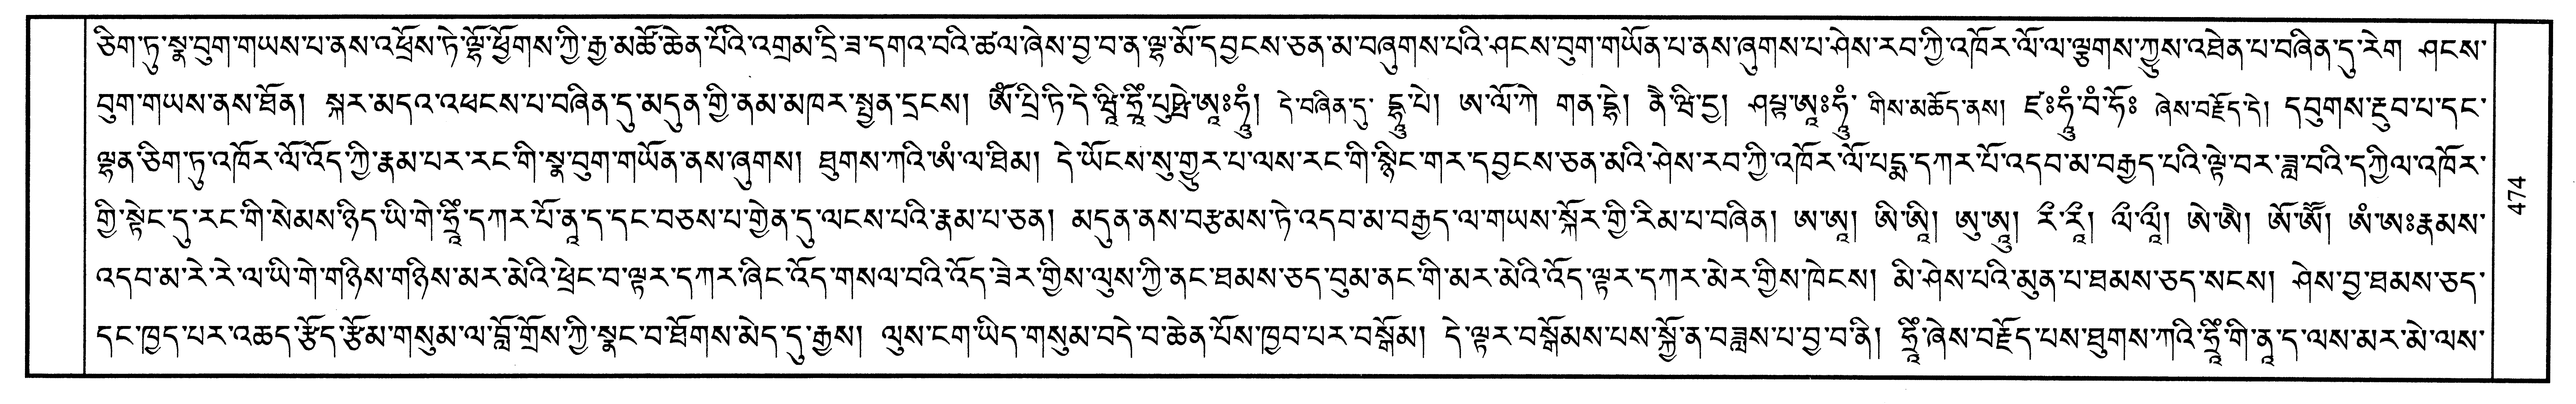ཅིག་ཏུ་སྣ་བུག་གཡས་པ་ནས་འཕྲོས་ཏེ་ལྷོ་ཕྱོགས་ཀྱི་རྒྱ་མཚོ་ཆེན་པོའི་འགྲམ་དྲི་ཟ་དགའ་བའི་ཚལ་ཞེས་བྱ་བ་ན་ལྷ་མོ་དབྱངས་ཅན་མ་བཞུགས་པའི་ཤངས་བུག་གཡོན་པ་ནས་ཞུགས་པ་ཤེས་རབ་ཀྱི་འཁོར་ལོ་ལ་ལྕགས་ཀྱུས་འཐེན་པ་བཞིན་དུ་རེག་ཤངས་
བུག་གཡས་ནས་ཐོན། སྐར་མདའ་འཕངས་པ་བཞིན་དུ་མདུན་གྱི་ནམ་མཁར་སྤྱན་དྲངས། ཨོཾ་པྲི་ཏི་དེ་ཝཱི་ཧྲཱིཾ་པུཥྤེ་ཨཱཿ ཧཱུཾ། དེ་བཞིན་དུ་དྷཱུ་པེ། ཨ་ལོ་ཀེ་གན་དྷེ། ནཻ་ཝི་དྱ། ཤཔྟ་ཨཱཿ ཧཱུཾ་གིས་མཆོད་ནས། ཛཿ ཧཱུཾ་བཾ་ཧོཿ ཞེས་བརྗོད་དེ། དབུགས་རྔུབ་པ་དང་
ལྷན་ཅིག་ཏུ་འཁོར་ལོ་འོད་ཀྱི་རྣམ་པར་རང་གི་སྣ་བུག་གཡོན་ནས་ཞུགས། ཐུགས་ཀའི་ཨཾ་ལ་ཐིམ། དེ་ཡོངས་སུ་གྱུར་པ་ལས་རང་གི་སྙིང་གར་དབྱངས་ཅན་མའི་ཤེས་རབ་ཀྱི་འཁོར་ལོ་པདམ་དཀར་པོ་འདབ་མ་བརྒྱད་པའི་ལྟེ་བར་ཟླ་བའི་དཀྱིལ་འཁོར་
གྱི་སྟེང་དུ་རང་གི་སེམས་ཉིད་ཡི་གེ་ཧྲཱིཾ་དཀར་པོ་ནཱ་ད་དང་བཅས་པ་གྱེན་དུ་ལངས་པའི་རྣམ་པ་ཅན། མདུན་ནས་བརྩམས་ཏེ་འདབ་མ་བརྒྱད་ལ་གཡས་སྐོར་གྱི་རིམ་པ་བཞིན། ཨ་ཨཱ། ཨི་ཨཱི། ཨུ་ཨཱུ། རྀ་རཱྀ། ལྀ་ལཱྀ། ཨེ་ཨཻ། ཨོ་ཨཽ། ཨཾ་ཨཿ རྣམས་
འདབ་མ་རེ་རེ་ལ་ཡི་གེ་གཉིས་གཉིས་མར་མེའི་ཕྲེང་བ་ལྟར་དཀར་ཞིང་འོད་གསལ་བའི་འོད་ཟེར་གྱིས་ལུས་ཀྱི་ནང་ཐམས་ཅད་བུམ་ནང་གི་མར་མེའི་འོད་ལྟར་དཀར་མེར་གྱིས་ཁེངས། མི་ཤེས་པའི་མུན་པ་ཐམས་ཅད་སངས། ཤེས་བྱ་ཐམས་ཅད་
དང་ཁྱད་པར་འཆད་རྩོད་རྩོམ་གསུམ་ལ་བློ་གྲོས་ཀྱི་སྣང་བ་ཐོགས་མེད་དུ་རྒྱས། ལུས་ངག་ཡིད་གསུམ་བདེ་བ་ཆེན་པོས་ཁྱབ་པར་བསྒོམ། དེ་ལྟར་བསྒོམས་པས་སྐྱོ་ན་བཟླས་པ་བྱ་བ་ནི། ཧྲཱིཾ་ཞེས་བརྗོད་པས་ཐུགས་ཀའི་ཧྲཱིཾ་གི་ནཱ་ད་ལས་མར་མེ་ལས་